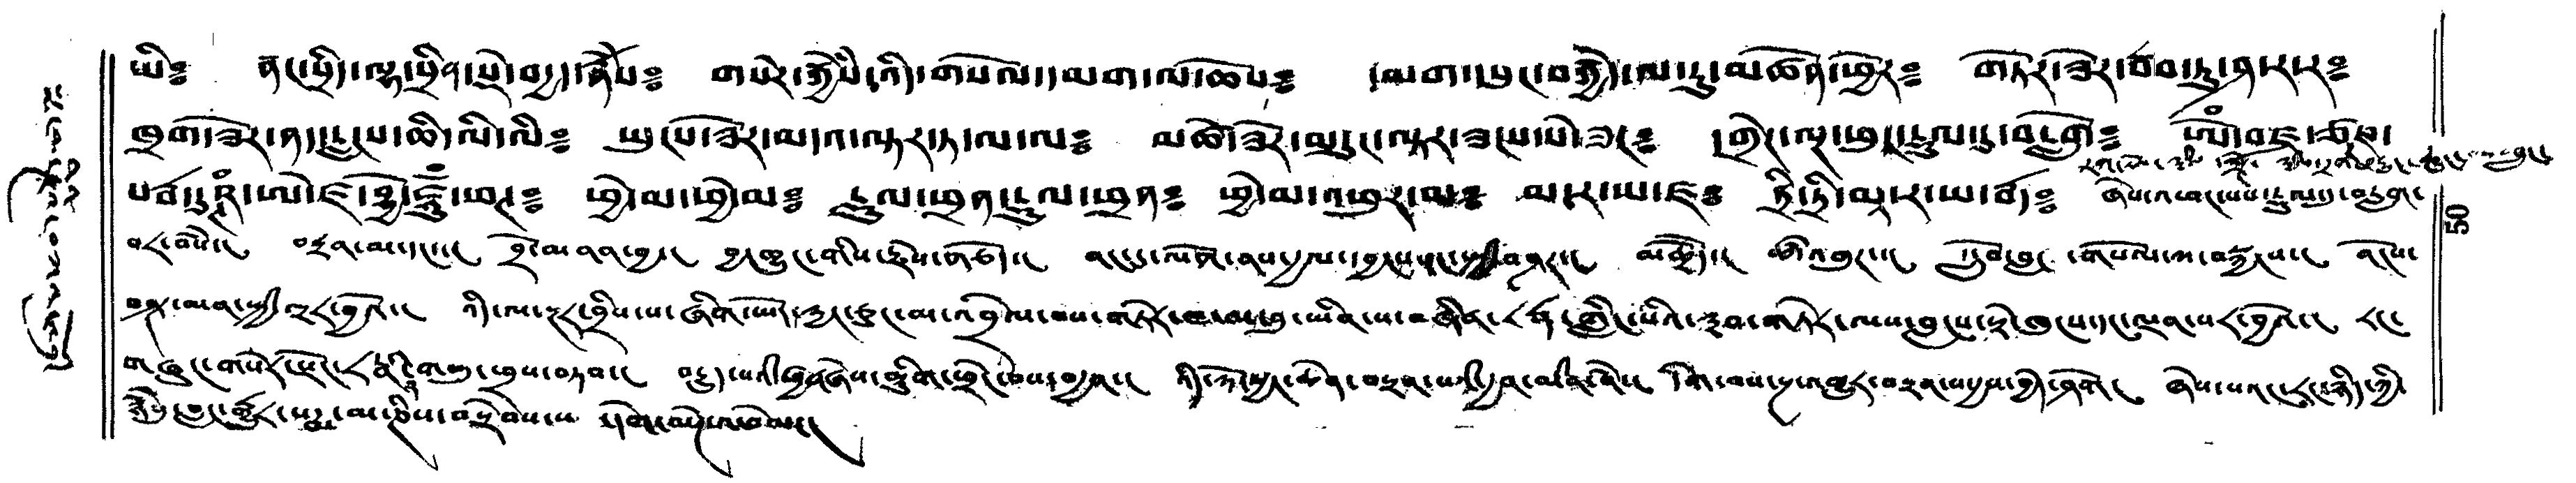ཡི༔ སྣང་སྲིད་ལྷ་སྲིན་སྡེ་བརྒྱད་རྣམས༔ གསེར་སྐྱེམས་འདི་གསོལ་དམག་ལ་ཆོས༔ དམག་དཔུང་སྐྱོད་ལ་རུ་མཚོན་ཕྱོར༔ གཏོར་ཟོར་རྦབ་ཏུ་ཤ་ར་ར༔ 
ཁྲག་ཟོར་ནད་རླངས་ཆི་ལི་ལི༔ ཡུངས་ཟོར་མདའ་ལྟར་ཏ་ལ་ལ༔ མཚེ་ཟོར་མདུང་ལྟར་ཟིངས་སེ་ཟིངས༔ དགྲ་བགེགས་ལྔ་ཕུང་རྡུལ་དུ་རློགས༔ ཨོཾ་བཛྲ་ཙཎྜ་
སརྦ་དུཥྚན་ཨེ་ཛ་བྷྱོ་ཧཱུྃ་ཕཊ༔ཕྱེ་མ་ཕྱེ་མ༔ རྡུལ་ཕྲན་རྡུལ་ཕྲན༔ ཕྱེ་མ་འཕུར་མ༔ མ་ར་ཡ་ཛ༔ ཧྲི་ཏྲི་མཱ་ར་ཡ་རྦད༔ ཞེས་འཕངས་པས་རྡུལ་དུ་བརླག་
པར་བསམ། བརྟན་མ་དང་། བྲོ་མནན་བྱ། བྱ་ཁྱུང་གིས་རྗེས་གཅོད་། ནང་དུ་ལོག་ནས་རྒྱལ་དབྱངས་དང་སྤྱི་བཤགས། མཆོད་བསྟོད། ཚེ་འགུགས། དངོས་གྲུབ་བླང་། གསོལ་ཀ་བསྐྱངས། ནངས་
བཤགས་མན་སྤྱི་ལྟར་བྱའོ། འདི་ལ་སྔར་བྲིས་པ་ཞིག་ཡོད་ཀྱང་ཅུང་མ་འབྲེལ་བས་གཏེར་ཁ་མ་བུ་ཡིན་པ་བཞིན་རཏྣ་གླིང་པའི་ཟབ་གཏེར་ལས་བླངས་སྟེ་ཁུངས་དང་ལྡན་པར་བྱས་པའོ། རང་
གཞུང་གསེར་སྡོང་རཏྣའི་གཡུ་ཕྲས་བཏབ། བརྒྱུད་པའི་ཕྱག་བཞེས་མུ་ཏིག་ཕྲེང་བས་བརྒྱན། འདི་ཀོ་གསང་ཆེན་བསྟན་པའི་རྒྱན་མིན་ནམ། དགེ་བས་སྔ་འགྱུར་བསྟན་པ་རྒྱས་བྱེད་ཤོག༔ ཅེས་པའང་རང་ཉིད་ཀྱི་
ཉམས་སུ་བླང་རྒྱུར་པདྨ་མ་ཎིས་བསྡེབས་པ་དགེ་ལེགས་འཕེལ།། དགེའོ།།